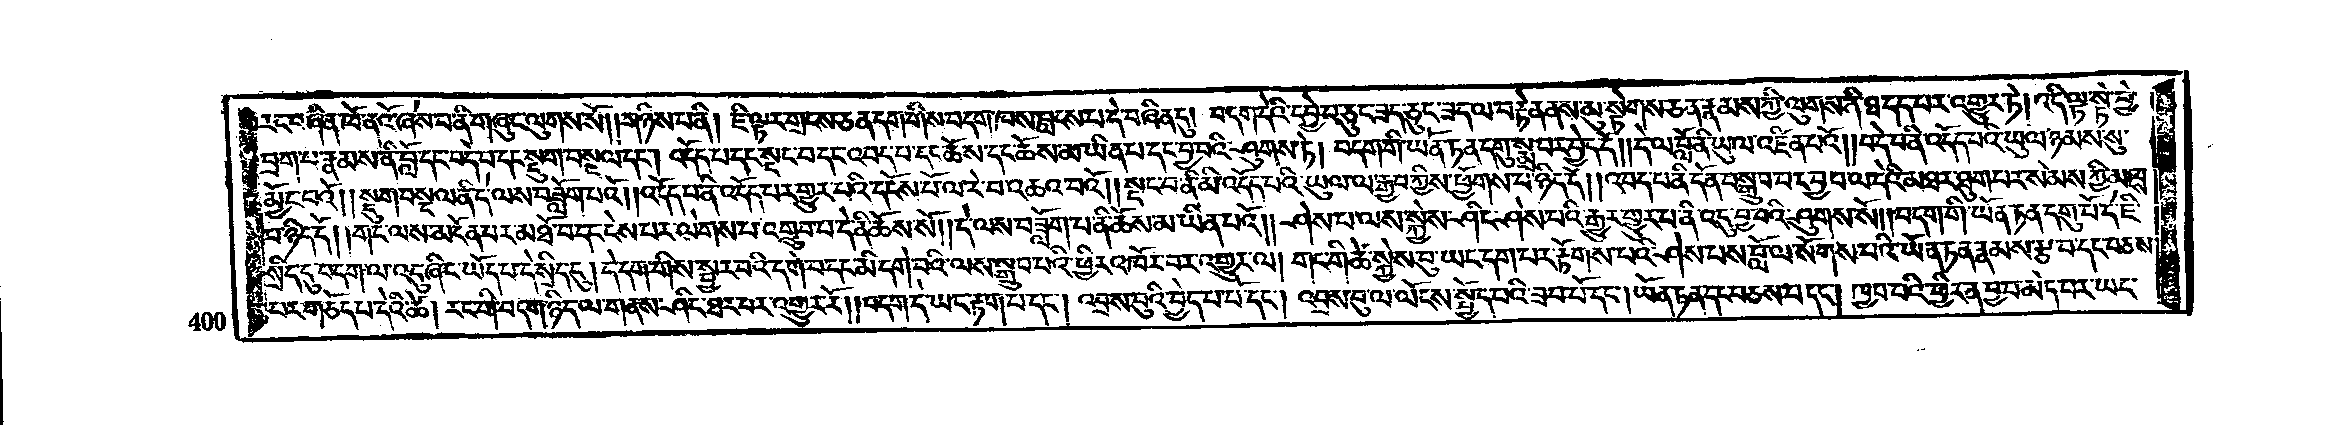རང་བཞིན་ཁོ་ནའོ་ཞེས་པ་ནི་གཞུང་ལུགས་སོ། །གཉིས་པ་ནི། ཇི་ལྟར་གྲངས་ཅན་དག་གིས་བདག་ཁས་བླངས་པ་དེ་བཞིན་དུ། བདག་དེའི་དབྱེ་བ་ཅུང་ཟད་ཅུང་ཟད་ལ་བརྟེན་ནས་མུ་སྟེགས་ཅན་རྣམས་ཀྱི་ལུགས་ནི་ཐ་དད་པར་འགྱུར་ཏེ། འདི་ལྟ་སྟེ་བྱེ་
བྲག་པ་རྣམས་ནི་བློ་དང་བདེ་བ་དང་སྡུག་བསྔལ་དང་། འདོད་པ་དང་སྡང་བ་དང་འབད་པ་དང་ཆོས་དང་ཆོས་མ་ཡིན་པ་དང་བྱ་བའི་ཤུགས་ཏེ། བདག་གི་ཡོན་ཏན་དགུ་སྨྲ་བར་བྱེད་དོ། །དེ་ལ་བློ་ནི་ཡུལ་འཛིན་པའོ། །བདེ་བ་ནི་འདོད་པའི་ཡུལ་ཉམས་སུ་
མྱོང་བའོ། །སྡུག་བསྔལ་ནི་དེ་ལས་བཟློག་པའོ། །འདོད་པ་ནི་འདོད་པར་གྱུར་པའི་དངོས་པོ་ལ་རེ་བ་འཆའ་བའོ། །སྡང་བ་ནི་མི་འདོད་པའི་ཡུལ་ལ་རྒྱབ་ཀྱིས་ཕྱོགས་པ་ཉིད་དོ། །འབད་པ་ནི་དོན་བསྒྲུབ་པར་བྱ་བ་ལ་དེའི་མཐར་ཐུག་པར་སེམས་ཀྱི་མཁས་
པ་ཉིད་དོ། །གང་ལས་མངོན་པར་མཐོ་བ་དང་ངེས་པར་ལེགས་པ་འགྲུབ་པ་དེ་ནི་ཆོས་སོ། །དེ་ལས་བཟློག་པ་ནི་ཆོས་མ་ཡིན་པའོ། །ཤེས་པ་ལས་སྐྱེས་ཤིང་ཤེས་པའི་རྒྱུར་གྱུར་པ་ནི་འདུ་བྱ་བའི་ཤུགས་སོ། །བདག་གི་ཡོན་ཏན་དགུ་པོ་དེ་ཇི་
སྲིད་དུ་བདག་ལ་འདུ་ཞིང་ཡོད་པ་དེ་སྲིད་དུ། དེ་དག་གིས་སྦྱར་བའི་དགེ་བ་དང་མི་དགེ་བའི་ལས་སྒྲུབ་པའི་ཕྱིར་འཁོར་བར་འགྱུར་ལ། གང་གི་ཚེ་སྐྱེས་བུ་ཡང་དག་པར་རྟོགས་པའི་ཤེས་པས་བློ་ལ་སོགས་པའི་ཡོན་ཏན་རྣམས་རྩ་བ་དང་བཅས་
པར་གཅོད་པ་དེའི་ཚེ། རང་གི་བདག་ཉིད་ལ་གནས་ཤིང་ཐར་བར་འགྱུར་རོ། །བདག་དེ་ཡང་རྟག་པ་དང་། འབྲས་བུའི་བྱེད་པ་པོ་དང་། འབྲས་བུ་ལ་ལོངས་སྤྱོད་པའི་ཟབ་པོ་དང་། ཡོན་ཏན་དང་བཅས་པ་དང་། ཁྱབ་པའི་ཕྱིར་ན་བྱ་བ་མེད་པར་ཡང་